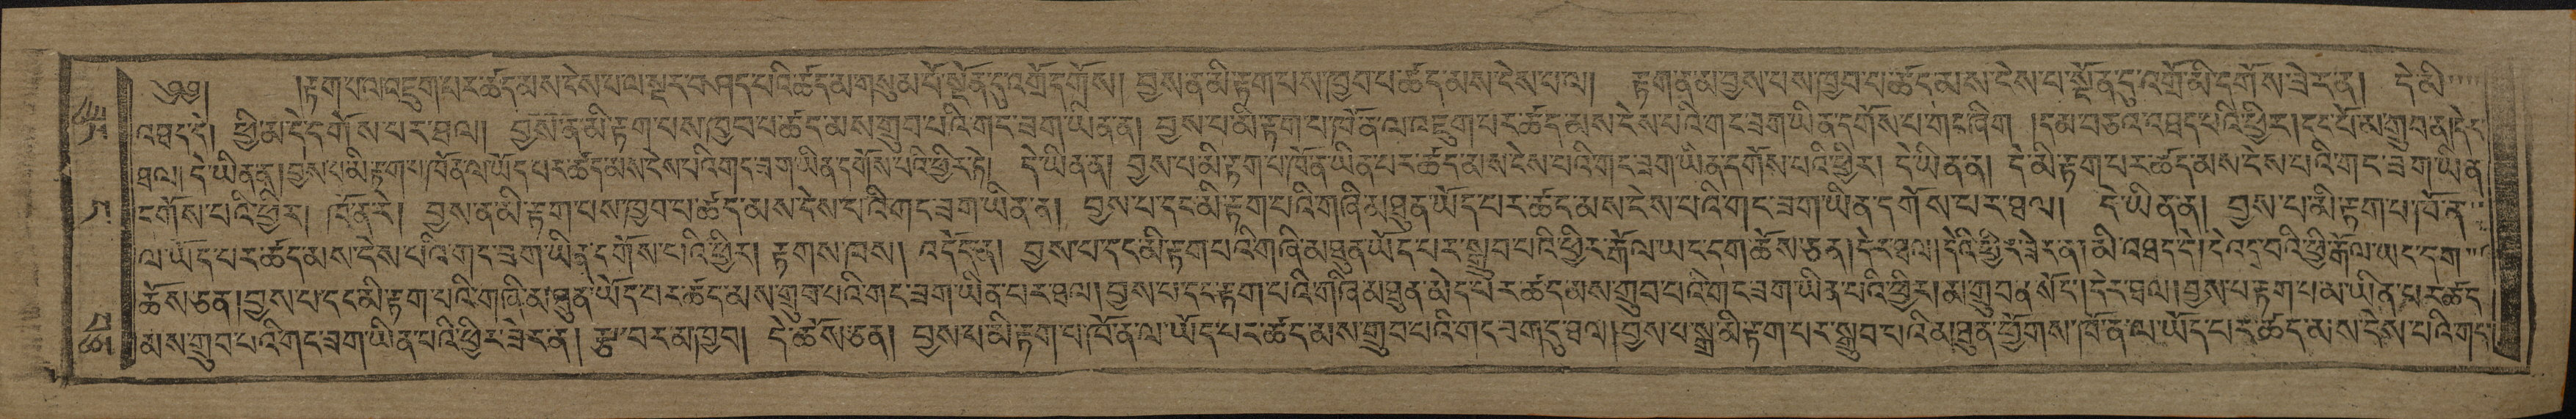༄༅། །རྟག་པ་ལ་འཇུག་པར་ཚད་མས་ངེས་པ་ལ་སྔར་བཤད་པའི་ཚད་མ་གསུམ་པོ་སྔོན་དུ་འགྲོ་དགོས། བྱས་ན་མི་རྟག་པས་ཁྱབ་པ་ཚད་མས་ངེས་པ་ལ། རྟག་ན་མ་བྱས་པས་ཁྱབ་པ་ཚད་མས་ངེས་པ་སྔོན་དུ་འགྲོ་མི་དགོས་ཟེར་ན། དེ་མི་
འཐད་དེ། ཕྱི་མ་དེ་དགོས་པར་ཐལ། བྱས་ན་མི་རྟག་པས་ཁྱབ་པ་ཚད་མས་གྲུབ་པའི་གང་ཟག་ཡིན་ན། བྱས་པ་མི་རྟག་པ་ཁོ་ན་ལ་འཇུག་པར་ཚད་མས་ངེས་པའི་གང་ཟག་ཡིན་དགོས་པ་གང་ཞིག །དམ་བཅའ་འཐད་པའི་ཕྱིར། དང་པོ་མ་གྲུབ་ན། དེར་
ཐལ། དེ་ཡིན་ན། བྱས་པ་མི་རྟག་པ་ཁོ་ན་ལ་ཡོད་པར་ཚད་མས་ངེས་པའི་གང་ཟག་ཡིན་དགོས་པའི་ཕྱིར་ཏེ། དེ་ཡིན་ན། བྱས་པ་མི་རྟག་པ་ཁོ་ན་ཡིན་པར་ཚད་མས་ངེས་པའི་གང་ཟག་ཡིན་དགོས་པའི་ཕྱིར། དེ་ཡིན་ན། དེ་མི་རྟག་པར་ཚད་མས་ངེས་པའི་གང་ཟག་ཡིན་
དགོས་པའི་ཕྱིར། ཁོ་ན་རེ། བྱས་ན་མི་རྟག་པས་ཁྱབ་པ་ཚད་མས་ངེས་པའི་གང་ཟག་ཡིན་ན། བྱས་པ་དང་མི་རྟག་པའི་གཞི་མཐུན་ཡོད་པར་ཚད་མས་ངེས་པའི་གང་ཟག་ཡིན་དགོས་པར་ཐལ། དེ་ཡིན་ན། བྱས་པ་མི་རྟག་པ་ཁོ་ན་
ལ་ཡོད་པར་ཚད་མས་ངེས་པའི་གང་ཟག་ཡིན་དགོས་པའི་ཕྱིར། རྟགས་ཁས། འདོད་ན། བྱས་པ་དང་མི་རྟག་པའི་གཞི་མཐུན་ཡོད་པར་སྒྲུབ་པའི་ཕྱིར་རྒོལ་ཡང་དག་ཆོས་ཅན། དེར་ཐལ། དེའི་ཕྱིར་ཟེར་ན། མི་འཐད་དེ། དེ་འདྲ་བའི་ཕྱི་རྒོལ་ཡང་དག་
ཆོས་ཅན། བྱས་པ་དང་མི་རྟག་པའི་གཞི་མཐུན་ཡོད་པར་ཚད་མས་གྲུབ་པའི་གང་ཟག་ཡིན་པར་ཐལ། བྱས་པ་དང་རྟག་པའི་གཞི་མཐུན་མེད་པར་ཚད་མས་གྲུབ་པའི་གང་ཟག་ཡིན་པའི་ཕྱིར། མ་གྲུབ་ན་སོང་། དེར་ཐལ། བྱས་པ་རྟག་པ་མ་ཡིན་པར་ཚད་
མས་གྲུབ་པའི་གང་ཟག་ཡིན་པའི་ཕྱིར་ཟེར་ན། རྩ་བར་མ་ཁྱབ། དེ་ཆོས་ཅན། བྱས་པ་མི་རྟག་པ་ཁོ་ན་ལ་ཡོད་པར་ཚད་མས་གྲུབ་པའི་གང་ཟག་དུ་ཐལ། བྱས་པ་སྒྲ་མི་རྟག་པར་སྒྲུབ་པའི་མཐུན་ཕྱོགས་ཁོ་ན་ལ་ཡོད་པར་ཚད་མས་ངེས་པའི་གང་